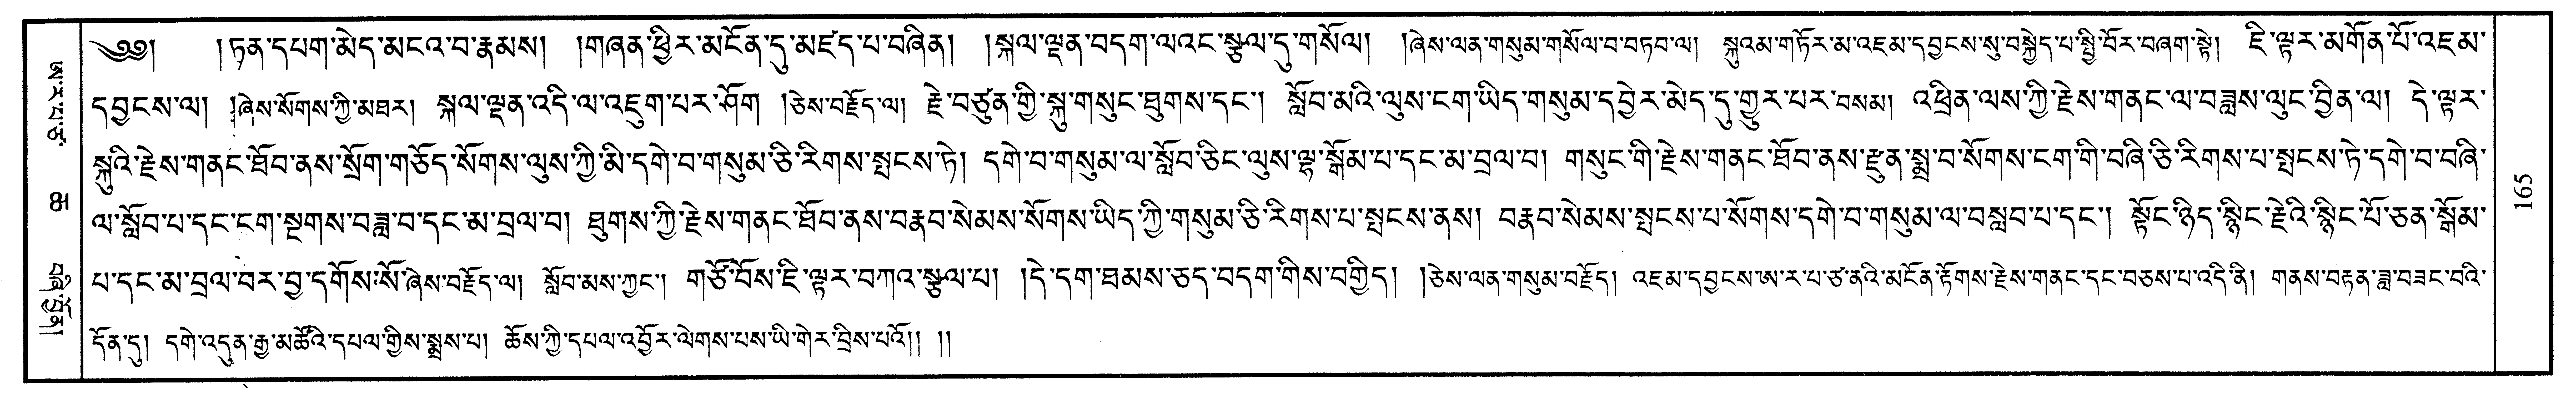༄༅། །ཏན་དཔག་མེད་མངའ་བ་རྣམས། །གཞན་ཕྱིར་མངོན་དུ་མཛད་པ་བཞིན། །སྐལ་ལྡན་བདག་ལའང་སྩལ་དུ་གསོལ། །ཞེས་ལན་གསུམ་གསོལ་བ་བཏབ་ལ། སྐུའམ་གཏོར་མ་འཇམ་དབྱངས་སུ་བསྐྱེད་པ་སྤྱི་བོར་བཞག་སྟེ། ཇི་ལྟར་མགོན་པོ་འཇམ་
དབྱངས་ལ། །ཞེས་སོགས་ཀྱི་མཐར། སྐལ་ལྡན་འདི་ལ་འཇུག་པར་ཤོག །ཅེས་བརྗོད་ལ། རྗེ་བཙུན་གྱི་སྐུ་གསུང་ཐུགས་དང་། སློབ་མའི་ལུས་ངག་ཡིད་གསུམ་དབྱེར་མེད་དུ་གྱུར་པར་བསམ། འཕྲིན་ལས་ཀྱི་རྗེས་གནང་ལ་བཟླས་ལུང་བྱིན་ལ། དེ་ལྟར་
སྐུའི་རྗེས་གནང་ཐོབ་ནས་སྲོག་གཅོད་སོགས་ལུས་ཀྱི་མི་དགེ་བ་གསུམ་ཅི་རིགས་སྤངས་ཏེ། དགེ་བ་གསུམ་ལ་སློབ་ཅིང་ལུས་ལྷ་སྒོམ་པ་དང་མ་བྲལ་བ། གསུང་གི་རྗེས་གནང་ཐོབ་ནས་རྫུན་སྨྲ་བ་སོགས་ངག་གི་བཞི་ཅི་རིགས་པ་སྤངས་ཏེ་དགེ་བ་བཞི་
ལ་སློབ་པ་དང་ངག་སྔགས་བཟླ་བ་དང་མ་བྲལ་བ། ཐུགས་ཀྱི་རྗེས་གནང་ཐོབ་ནས་བརྣབ་སེམས་སོགས་ཡིད་ཀྱི་གསུམ་ཅི་རིགས་པ་སྤངས་ནས། བརྣབ་སེམས་སྤངས་པ་སོགས་དགེ་བ་གསུམ་ལ་བསླབ་པ་དང་། སྟོང་ཉིད་སྙིང་རྗེའི་སྙིང་པོ་ཅན་སྒོམ་
པ་དང་མ་བྲལ་བར་བྱ་དགོས་སོ་ཞེས་བརྗོད་ལ། སློབ་མས་ཀྱང་། གཙོ་བོས་ཇི་ལྟར་བཀའ་སྩལ་པ། །དེ་དག་ཐམས་ཅད་བདག་གིས་བགྱིད། །ཅེས་ལན་གསུམ་བརྗོད། འཇམ་དབྱངས་ཨ་ར་པ་ཙ་ནའི་མངོན་རྟོགས་རྗེས་གནང་དང་བཅས་པ་འདི་ནི། གནས་བརྟན་ཟླ་བཟང་བའི་
དོན་དུ། དགེ་འདུན་རྒྱ་མཚོའི་དཔལ་གྱིས་སྨྲས་པ། ཆོས་ཀྱི་དཔལ་འབྱོར་ལེགས་པས་ཡི་གེར་བྲིས་པའོ།། །།